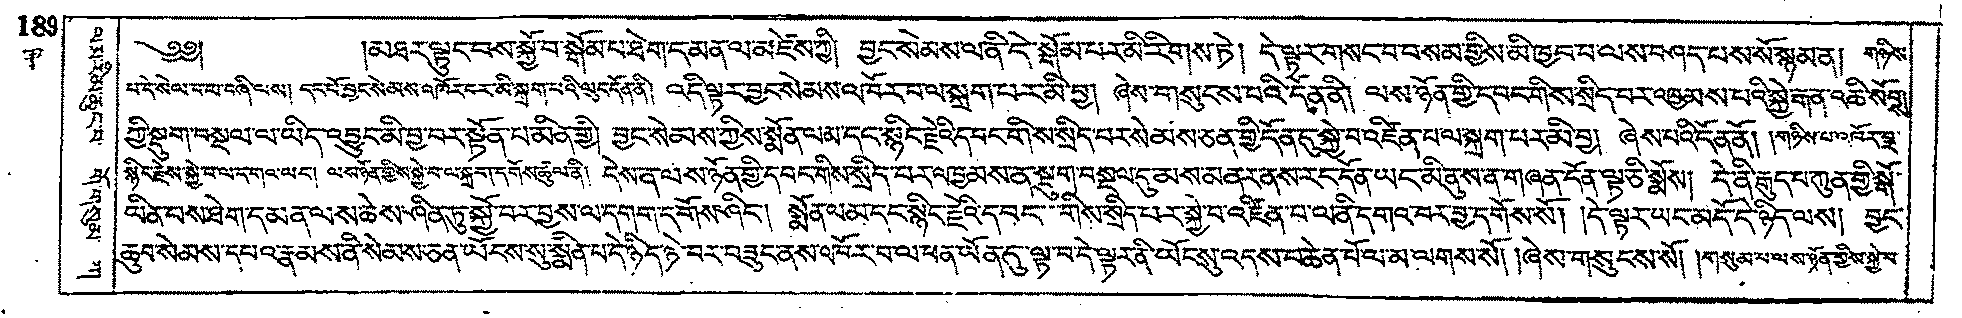༄༅། །མཐར་ལྟུང་བས་སྐྱོ་བ་སྒོམ་པ་ཐེག་དམན་ལ་མཛེས་ཀྱི། བྱང་སེམས་ལ་ནི་དེ་སྒོམ་པར་མི་རིགས་ཏེ། དེ་ལྟར་གསང་བ་བསམ་གྱིས་མི་ཁྱབ་པ་ལས་བཤད་པས་སོ་སྙམ་ན། གཉིས་
པ་དེ་སེལ་བ་ལ་བཞི་ལས། དང་པོ་བྱང་སེམས་འཁོར་བར་མི་སྐྲག་པའི་ལུང་དོན་ནི། འདི་ལྟར་བྱང་སེམས་འཁོར་བ་ལ་སྐྲག་པར་མི་བྱ། ཞེས་གསུངས་པའི་དོན་ནི། ལས་ཉོན་གྱི་དབང་གིས་སྲིད་པར་འཁྱམས་པའི་སྐྱེ་རྒ་ན་འཆི་སོགས་
ཀྱི་སྡུག་བསྔལ་ལ་ཡིད་འབྱུང་མི་བྱ་བར་སྟོན་པ་མིན་གྱི། བྱང་སེམས་ཀྱིས་སྨོན་ལམ་དང་སྙིང་རྗེའི་དབང་གིས་སྲིད་པར་སེམས་ཅན་གྱི་དོན་དུ་སྐྱེ་བ་འཛིན་པ་ལ་སྐྲག་པར་མི་བྱ། ཞེས་པའི་དོན་ནོ། །གཉིས་པ་འཁོར་བར་
སྙིང་རྗེས་སྐྱེ་བ་ལ་དགའ་ཡང་། ལས་ཉོན་གྱིས་སྐྱེ་བ་ལ་སྐྲག་དགོས་ཚུལ་ནི། དེས་ན་ལས་ཉོན་གྱི་དབང་གིས་སྲིད་པར་འཁྱམས་ན་སྡུག་བསྔལ་དུ་མས་མནར་ནས་རང་དོན་ཡང་མི་ནུས་ན་གཞན་དོན་ལྟ་ཅི་སྨོས། དེ་ནི་རྒུད་པ་ཀུན་གྱི་སྒོ་
ཡིན་པས་ཐེག་དམན་ལས་ཆེས་ཤིན་ཏུ་སྐྱོ་བར་བྱས་ལ་དགག་དགོས་ཤིང་། སྨོན་ལམ་དང་སྙིང་རྗེའི་དབངྒིས་སྲིད་པར་སྐྱེ་བ་འཛིན་པ་ལ་ནི་དགའ་བར་བྱ་དགོས་སོ། །དེ་ལྟར་ཡང་མདོ་དེ་ཉིད་ལས། བྱང་
ཆུབ་སེམས་དཔའ་རྣམས་ནི་སེམས་ཅན་ཡོངས་སུ་སྨིན་པ་དེ་ཉིད་ཉེ་བར་བཟུང་ནས་འཁོར་བ་ལ་ཕན་ཡོན་དུ་ལྟ་བ་དེ་ལྟར་ནི་ཡོངས་སུ་འདས་པ་ཆེན་པོ་ལ་མ་ལགས་སོ། །ཞེས་གསུངས་སོ། །གསུམ་པ་ལས་ཉོན་གྱིས་སྐྱེ་བ་